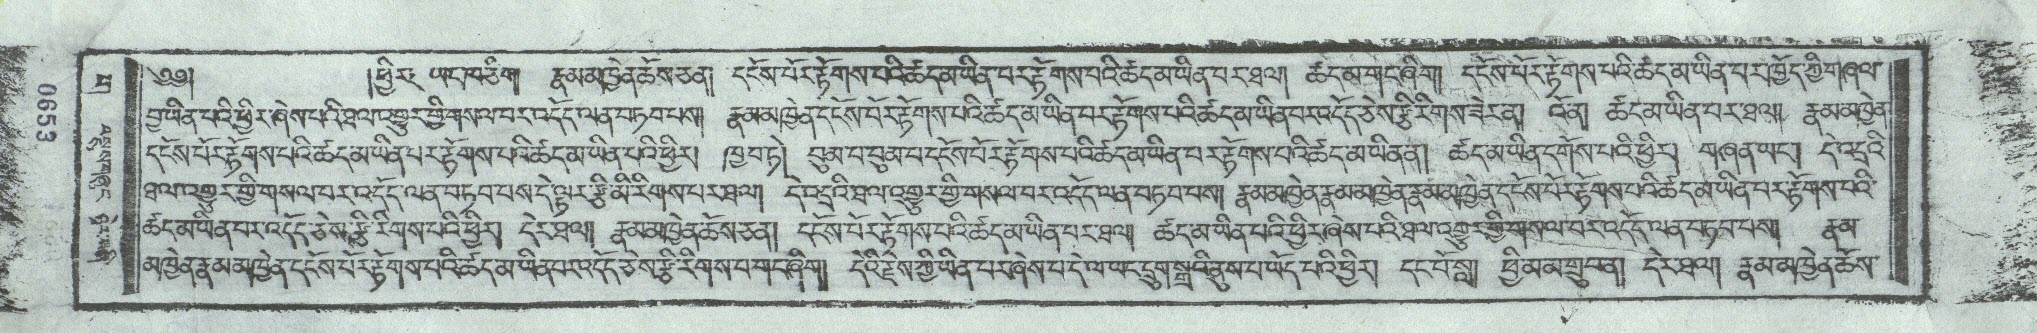༄༅། །ཕྱིར༑ ཡང་ཁ་ཅིག། རྣམ་མཁྱེན་ཆོས་ཅན། དངོས་པོར་རྟོགས་པའི་ཚད་མ་ཡིན་བར་རྟོགས་པའི་ཚད་མ་ཡིན་པར་ཐལ། ཚད་མ་གང་ཞིག། དངོས་པོར་རྟོགས་པའི་ཚད་མ་ཡིན་པར་ཁྱོད་ཀྱི་གཞལ་
བྱ་ཡིན་པའི་ཕྱིར་ཞེས་པའི་ཐལ་འགྱུར་གྱི་གསལ་བར་འདོད་ལན་བཏབ་པས། རྣམ་མཁྱེན་དངོས་པོར་རྟོགས་པའི་ཚད་མ་ཡིན་པར་རྟོགས་པའི་ཚད་མ་ཡིན་པར་འདོད་ཅེས་རྩི་རིགས་ཟེར་ན། འོ་ན། ཚད་མ་ཡིན་པར་ཐལ། རྣམ་མཁྱེན་
དངོས་པོར་རྟོགས་པའི་ཚད་མ་ཡིན་པར་རྟོགས་པའི་ཚད་མ་ཡིན་པའི་ཕྱིར། ཁྱབ་ཏེ། བུམ་པ་བུམ་པ་དངོས་པོར་རྟོགས་པའི་ཚད་མ་ཡིན་པར་རྟོགས་པའི་ཚད་མ་ཡིན་ན། ཚད་མ་ཡིན་དགོས་པའི་ཕྱིར། གཞན་ཡང་། དེ་འདྲའི་
ཐལ་འགྱུར་གྱི་གསལ་བར་འདོད་ལན་བཏབ་པས་དེ་ལྟར་རྩི་མི་རིགས་པར་ཐལ། དེ་འདྲའི་ཐལ་འགྱུར་གྱི་གསལ་བར་འདོད་ལན་བཏབ་པས། རྣམ་མཁྱེན་རྣམ་མཁྱེན་རྣམ་མཁྱེན་དངོས་པོར་རྟོགས་པའི་ཚད་མ་ཡིན་པར་རྟོགས་པའི་
ཚད་མ་ཡིན་པར་འདོད་ཅེས་རྩི་རིགས་པའི་ཕྱིར། དེར་ཐལ། རྣམ་མཁྱེན་ཆོས་ཅན། དངོས་པོར་རྟོགས་པའི་ཚད་མ་ཡིན་པར་ཐལ། ཚད་མ་ཡིན་པའི་ཕྱིར་ཞེས་པའི་ཐལ་འགྱུར་གྱི་གསལ་བར་འདོད་ལན་བཏབ་པས། རྣམ་
མཁྱེན་རྣམ་མཁྱེན་དངོས་པོར་རྟོགས་པའི་ཚད་མ་ཡིན་པར་འདོད་ཅེས་རྩི་རིགས་པ་གང་ཞིག། དེའི་རྗེས་ཀྱི་ཡིན་པར་ཞེས་པ་དེ་ལ་ཡང་དྲུག་སྒྲའི་ནུས་པ་ཡོད་པའི་ཕྱིར། དང་པོ་སླ། ཕྱི་མ་མ་གྲུབ་ན། དེར་ཐལ། རྣམ་མཁྱེན་ཆོས་